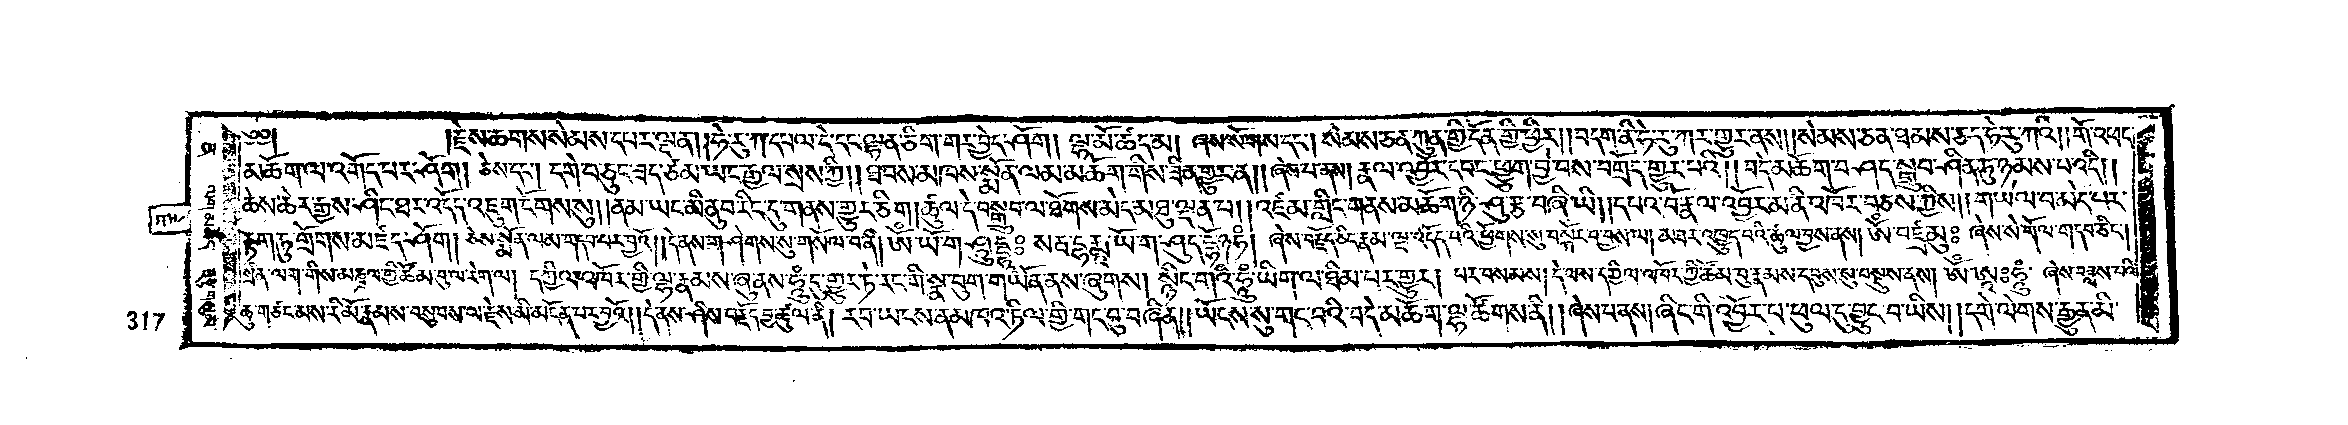༄༅། །རྗེས་ཆགས་སེམས་དཔར་ལྡན། །ཧེ་རུ་ཀ་དཔལ་དེ་དང་ལྷན་ཅེག་གར་བྱེད་ཤོག། ལྷ་མོ་ཚད་མ། ཞེས་སོགས་དང་། སེམས་ཅན་ཀུན་གྱི་དོན་གྱི་ཕྱིར། །བདག་ནི་ཧེ་རུ་ཀར་གྱུར་ནས། །སེམས་ཅན་ཐམས་ཅད་ཧེ་རུ་ཀའི། །གོན་འཕང་
མཆོག་ལ་འགོད་པར་ཤོག། ཅེས་དང་། དགེ་བ་ཅུང་ཟད་ཙམ་ཡང་རྒྱལ་སྲས་ཀྱི། །ཐབས་མཁས་སྨོན་ལམ་མཆོག་གིས་ཟིན་གྱུར་ན། ། ཞེས་པ་ནས། རྣལ་འབྱོར་དབང་ཕྱུག་བྱེ་བས་བགྲོད་གྱུར་པའི། །བདེ་མཆོག་བཤད་སྒྲུབ་ཤིན་ཏུ་ཉམས་པ་འདི། །
ཆེས་ཆེར་རྒྱས་ཤིང་ཐར་འདོད་འཇུག་དོགས་སུ། །ནམ་ཡང་མི་ནུབ་རིང་དུ་གནས་གྱུར་ཅིག །ཚུལ་དེ་བསྒྲུབ་ལ་ཐོགས་མེད་མཐུ་ལྡན་པ། །འཛམ་གླིང་གནས་མཆོག་ཉི་ཤུ་རྩ་བཞི་ཡི། །དཔའ་བོ་རྣལ་འབྱོར་མ་ནི་འཁོར་བཅས་ཀྱིས། །གཡེལ་བ་མོད་པར་
རྟག་ཏུ་གྲོགས་མཛད་ཤོག ། ཅེས་སྨོན་ལམ་གདབ་པར་བྱའོ། །དེ་ནས་གཤེགས་སུ་གསོལ་བ་ནི། ཨོཾ་ཡོ་ག་ཤཱུ་དྡྷཱཿ སརྦ་དྷ་རྨཱ་ཡོ་ག་ཤུད་དྷོ་ཉཧཾ། ཞེས་བརྗོད་ཅིང་རྣམ་ལྔ་འདོད་པའི་ཕྱོགས་སུ་བསྐོར་བ་བྱས་ལ། མཐར་འཁྱུད་པའི་ཚུལ་བྱས་ནས། ཨོཾ་བཛྲ་མུཿ ཞེས་སེ་གོལ་གདབ་ཅིང་།
སྲིན་ལག་གིས་མཎྜལ་གྱི་ཚོམ་བུ་ལ་རེག་ལ། དཀྱིལ་འཁོར་གྱི་ལྷ་རྣམས་ཞུ་ནས་ཧཱུཾ་དུ་གྱུར་ཏེ་རང་གི་སྣ་བུག་གཡོན་ནས་ཞུགས། སྙིང་གའི་ཧཱུཾ་ཡིག་ལ་ཐིམ་པར་གྱུར། པར་བསམས། དེ་ལས་དཀྱིལ་འཁོར་ཀྱི་ཚོམ་བུ་རྣམས་དབུས་སུ་བསྡུས་ནས། ཨོཾ་ཨཱཿ ཧཱུཾ་ཞེས་བཟླས་པའི་
ཆུ་གཙང་མས་རི་མོ་རྣམས་བསུབས་ལ་རྗེས་མི་མངོན་པར་བྱའོ། །དེ་ནས་ཤིས་བརྗོད་བྱ་ཚུལ་ནི། རབ་ཡངས་ནམ་མཁའ་ཏིལ་གྱི་གང་བུ་བཞིན། །ཡོངས་སུ་གང་བའི་བདེ་མཆོག་ལྷ་ཚོག་སྣི། །ཞེས་པ་ནིས། ཞིང་གི་འབྱོར་པ་ཕུལ་དུ་བྱུང་བ་ཡིས། །དགེ་ལེགས་རྒྱུན་མི་